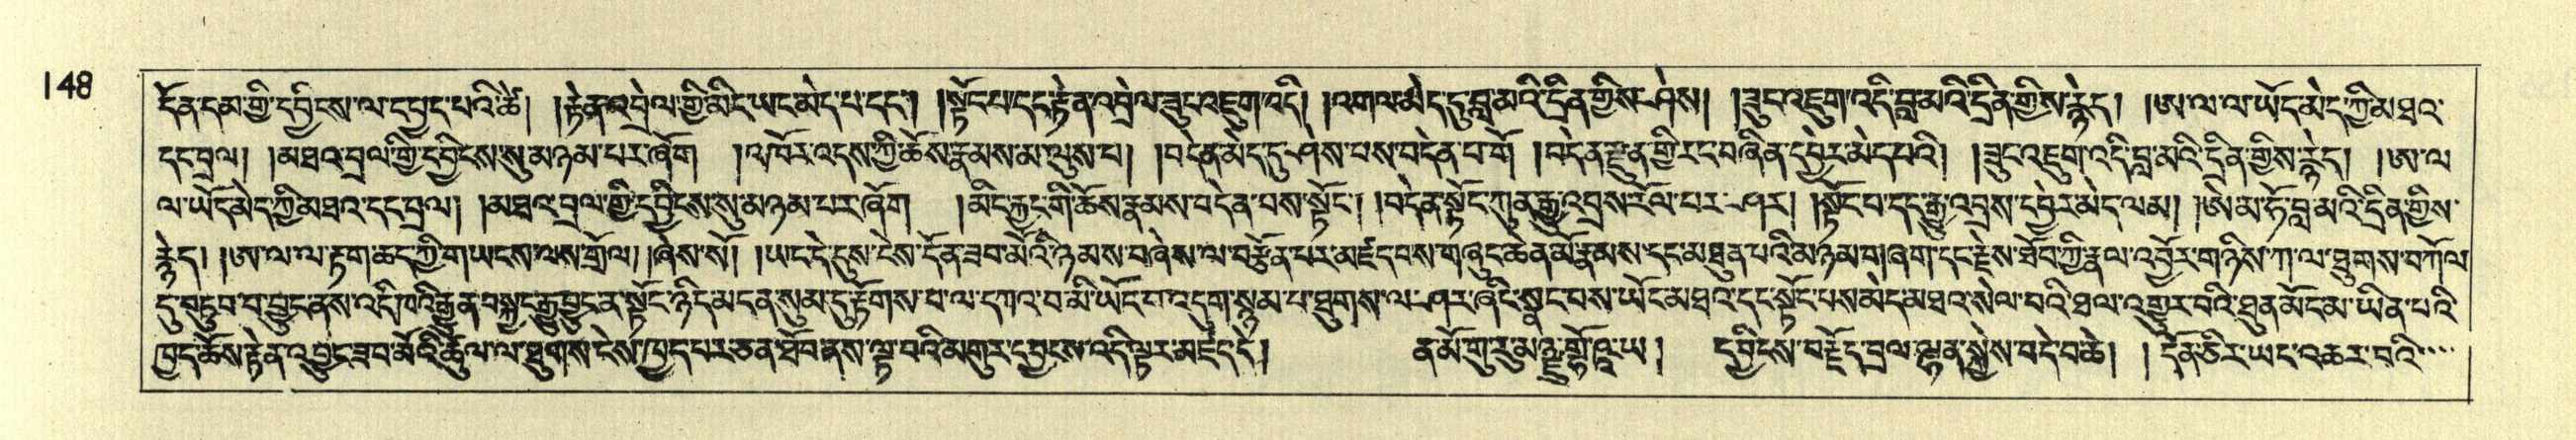དོན་དམ་གྱི་དབྱིངས་ལ་དཔྱད་པའི་ཚེ། །རྟེན་འབྲེལ་གྱི་མིང་ཡང་མེད་པ་དང་། །སྟོང་པ་དང་རྟེན་འབྲེལ་ཟུང་འཇུག་འདི། །འགལ་མེད་དུ་བླ་མའི་དྲིན་གྱིས་ཤེས། །ཟུང་འཇུག་འདི་བླ་མའི་དྲིན་གྱིས་རྙེད། །ཨ་ལ་ལ་ཡོད་མེད་ཀྱི་མཐའ་
དང་བྲལ། །མཐའ་བྲལ་གྱི་དབྱིངས་སུ་མཉམ་པར་ཞོག །འཁོར་འདས་ཀྱི་ཆོས་རྣམས་མ་ལུས་པ། །བདེན་མེད་དུ་ཤེས་པས་བདེན་པ་གོ །བདེན་རྫུན་གྱི་རང་བཞིན་དབྱེར་མེད་པའི། །ཟུང་འཇུག་འདི་བླ་མའི་དྲིན་གྱིས་རྙེད། །ཨ་ལ་
ལ་ཡོད་མེད་ཀྱི་མཐའ་དང་བྲལ། །མཐའ་བྲལ་གྱི་དབྱིངས་སུ་མཉམ་པར་ཞོག །མིང་རྐྱང་གི་ཆོས་རྣམས་བདེན་པས་སྟོང་། །བདེན་སྟོང་ཀུན་རྒྱུ་འབྲས་རོལ་པར་ཤར། །སྟོང་པ་དང་རྒྱུ་འབྲས་དབྱེར་མེད་ལམ། །ཨེ་མ་ཧོ་བླ་མའི་དྲིན་གྱིས་
རྙེད། །ཨ་ལ་ལ་རྟག་ཆད་ཀྱི་གཡངས་ལས་གྲོལ། །ཞེས་སོ། །ཡང་དེ་དུས་ངེས་དོན་ཟབ་མོའི་ཉམས་བཞེས་ལ་བརྩོན་པར་མཛད་བས་གཞུང་ཆེན་མོ་རྣམས་དང་མཐུན་པའི་མཉམ་གཞག་དང་རྗེས་ཐོབ་ཀྱི་རྣལ་འབྱོར་གཉིས་ཀ་ལ་ཐུགས་བཀོལ་
དུ་བཏུབ་པ་བྱུང་ནས་འདི་ཁའི་རྒྱུན་བསྐྱང་རྒྱུ་བྱུང་ན་སྟོང་ཉིད་མངན་སུམ་དུ་རྟོགས་པ་ལ་དཀའ་བ་མི་ཡོད་པ་འདུག་སྙམ་པ་ཐུགས་ལ་ཤར་ཞིང་སྣང་བས་ཡོང་མཐའ་དང་སྟོང་པས་མེད་མཐའ་སེལ་བའི་ཐལ་འགྱུར་བའི་ཐུན་མོང་མ་ཡིན་པའི་
ཁྱད་ཆོས་རྟེན་འབྱུང་ཟབ་མོའི་ཚུལ་ལ་ཐུགས་ངེས་ཁྱད་པར་ཅན་ཐོབ་ནས་ལྟ་བའི་མགུར་དབྱངས་འདི་ལྟར་མཛད་དེ། ན་མོ་གུ་རུ་མཉུཛུ་གྷོ་ཥཱ་ཡ། དབྱིངས་བརྗོད་བྲལ་ལྷན་སྐྱེས་བདེ་བ་ཆེ། །དོན་ཅིར་ཡང་འཆར་བའི་